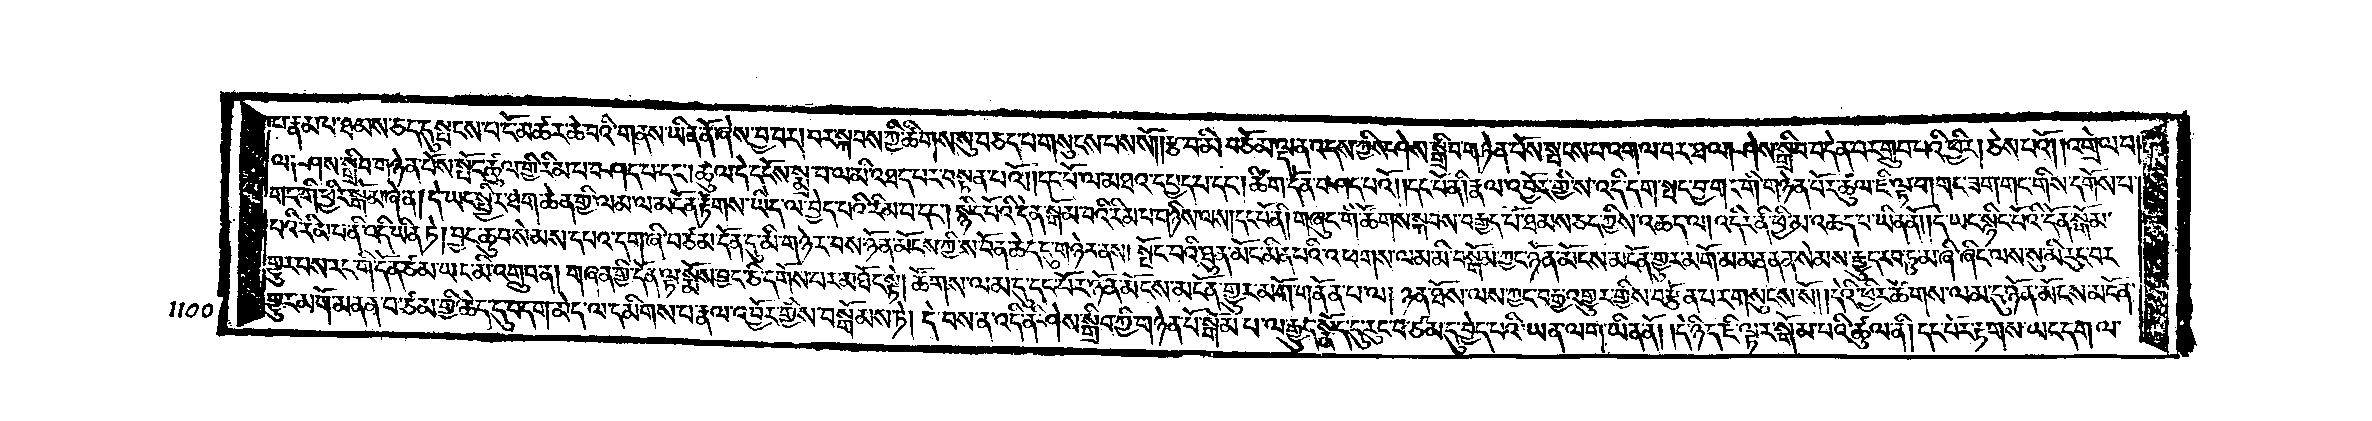པ་རྣམ་པ་ཐམས་ཅད་དུ་སྤངས་པ་ངོ་མཚར་ཆེ་བའི་གནས་ཡིན་ནོ་ཞེས་བྱ་བར། བར་སྐབས་ཀྱི་ཚིགས་སུ་བཅད་པ་གསུངས་པས་སོ། །རྩ་བ་མི་བཅོམ་ལྡན་འདས་ཀྱིས་ཤེས་སྒྲིབ་གཉེན་པོས་སྤངས་པ་འགལ་བར་ཐལ། ཤེས་སྒྲིབ་བདེན་པར་གྲུབ་པའི་ཕྱིར། ཅེས་པའོ། །འགྲེལ་པ་
ལ། ཤས་སྒྲིབ་གཉེན་པོས་སྤོང་ཚུལ་གྱི་རིམ་པ་བཤད་པ་དང་། ཚུལ་དེ་དངོས་སྨྲ་བ་ལ་མི་འཐད་པར་བསྟན་པའོ། །དང་པོ་ལ་མཐའ་དཔྱད་པ་དང་། ཚིག་དོན་བཤད་པའོ། །དང་པོ་ནི། རྣལ་འབྱོར་གྱིས་འདི་དག་སྤང་བྱ་གང་གི་གཉེན་པོར་ཚུལ་ཇི་ལྟ་བ། གང་ཟག་གང་གིས་དགོས་པ་
གང་གི་ཕྱིར་སྒོམ་ཞེ་ན། དེ་ཡང་སྤྱིར་ཐེག་ཆེན་གྱི་ལམ་ལ་མངོན་རྟོགས་ཡིད་ལ་བྱེད་པའི་རིམ་པ་དང་། སྙིང་པོའི་དོན་སྒོམ་པའི་རིམ་པ་གཉིས་ལས། དང་པོ་ནི། གཞུང་གི་ཚོགས་སྐབས་བརྒྱད་པོ་ཐམས་ཅད་ཀྱིས་འཆད་ལ། འདིར་ནི་ཕྱི་མ་འཆད་པ་ཡིན་ནོ། །དེ་ཡང་སྙིང་པོའི་དོན་སྒོམ་
པའི་རིམ་པ་ནི་འདི་ཡིན་ཏེ། བྱང་ཆུབ་སེམས་དཔའ་དག་ཞི་བ་ཙམ་དོན་དུ་མི་གཉེར་བས་ཉོན་མོངས་ཀྱི་ས་བོན་ཆེད་དུ་གཉེར་ནས། སྤོང་བའི་ཐུན་མོང་མིན་པའི་འཕགས་ལམ་མི་བསྒོམ་ཀྱང་ཉོན་མོངས་མངོན་གྱུར་མགོ་མ་མནན་ན་ནི་སེམས་རྒྱུད་རབ་ཏུ་མ་ཞི་ཞིང་ལས་སུ་མི་རུང་བར་
གྱུར་པས་རང་གི་དོན་ཙམ་ཡང་མི་འགྲུབ་ན། གཞན་གྱི་དོན་ལྟ་སྨོས་ཀྱང་ཅི་དགོས་པར་མཐོང་སྟེ། ཚོགས་ལམ་དུ་དང་པོར་ཉོན་མོངས་མངོན་གྱུར་མགོ་གནོན་པ་ལ། ཉན་ཐོས་ལས་ཀྱང་བརྒྱ་འགྱུར་གྱིས་བརྩོན་པར་གསུངས་སོ། །དེའི་ཕྱིར་ཚོགས་ལམ་དུ་ཉོན་མོངས་མངོན་
གྱུར་མགོ་མནན་པ་ཙམ་གྱི་ཆེད་དུ་བདག་མེད་ལ་དམིགས་པ་རྣལ་འབྱོར་གྱིས་བསྒོམས་ཏེ། དེ་བས་ན་འདི་ནི་ཤེས་སྒྲིབ་ཀྱི་གཉེན་པོ་སྒོམ་པ་ལ་རྒྱུད་སྣོད་དུ་རུང་བ་ཙམ་དུ་བྱེད་པའི་ཡན་ལག་ཡིན་ནོ། །དེ་ཉིད་ཇི་ལྟར་སྒོམ་པའི་ཚུལ་ནི། དང་པོར་རྟགས་ཡང་དག་ལ་